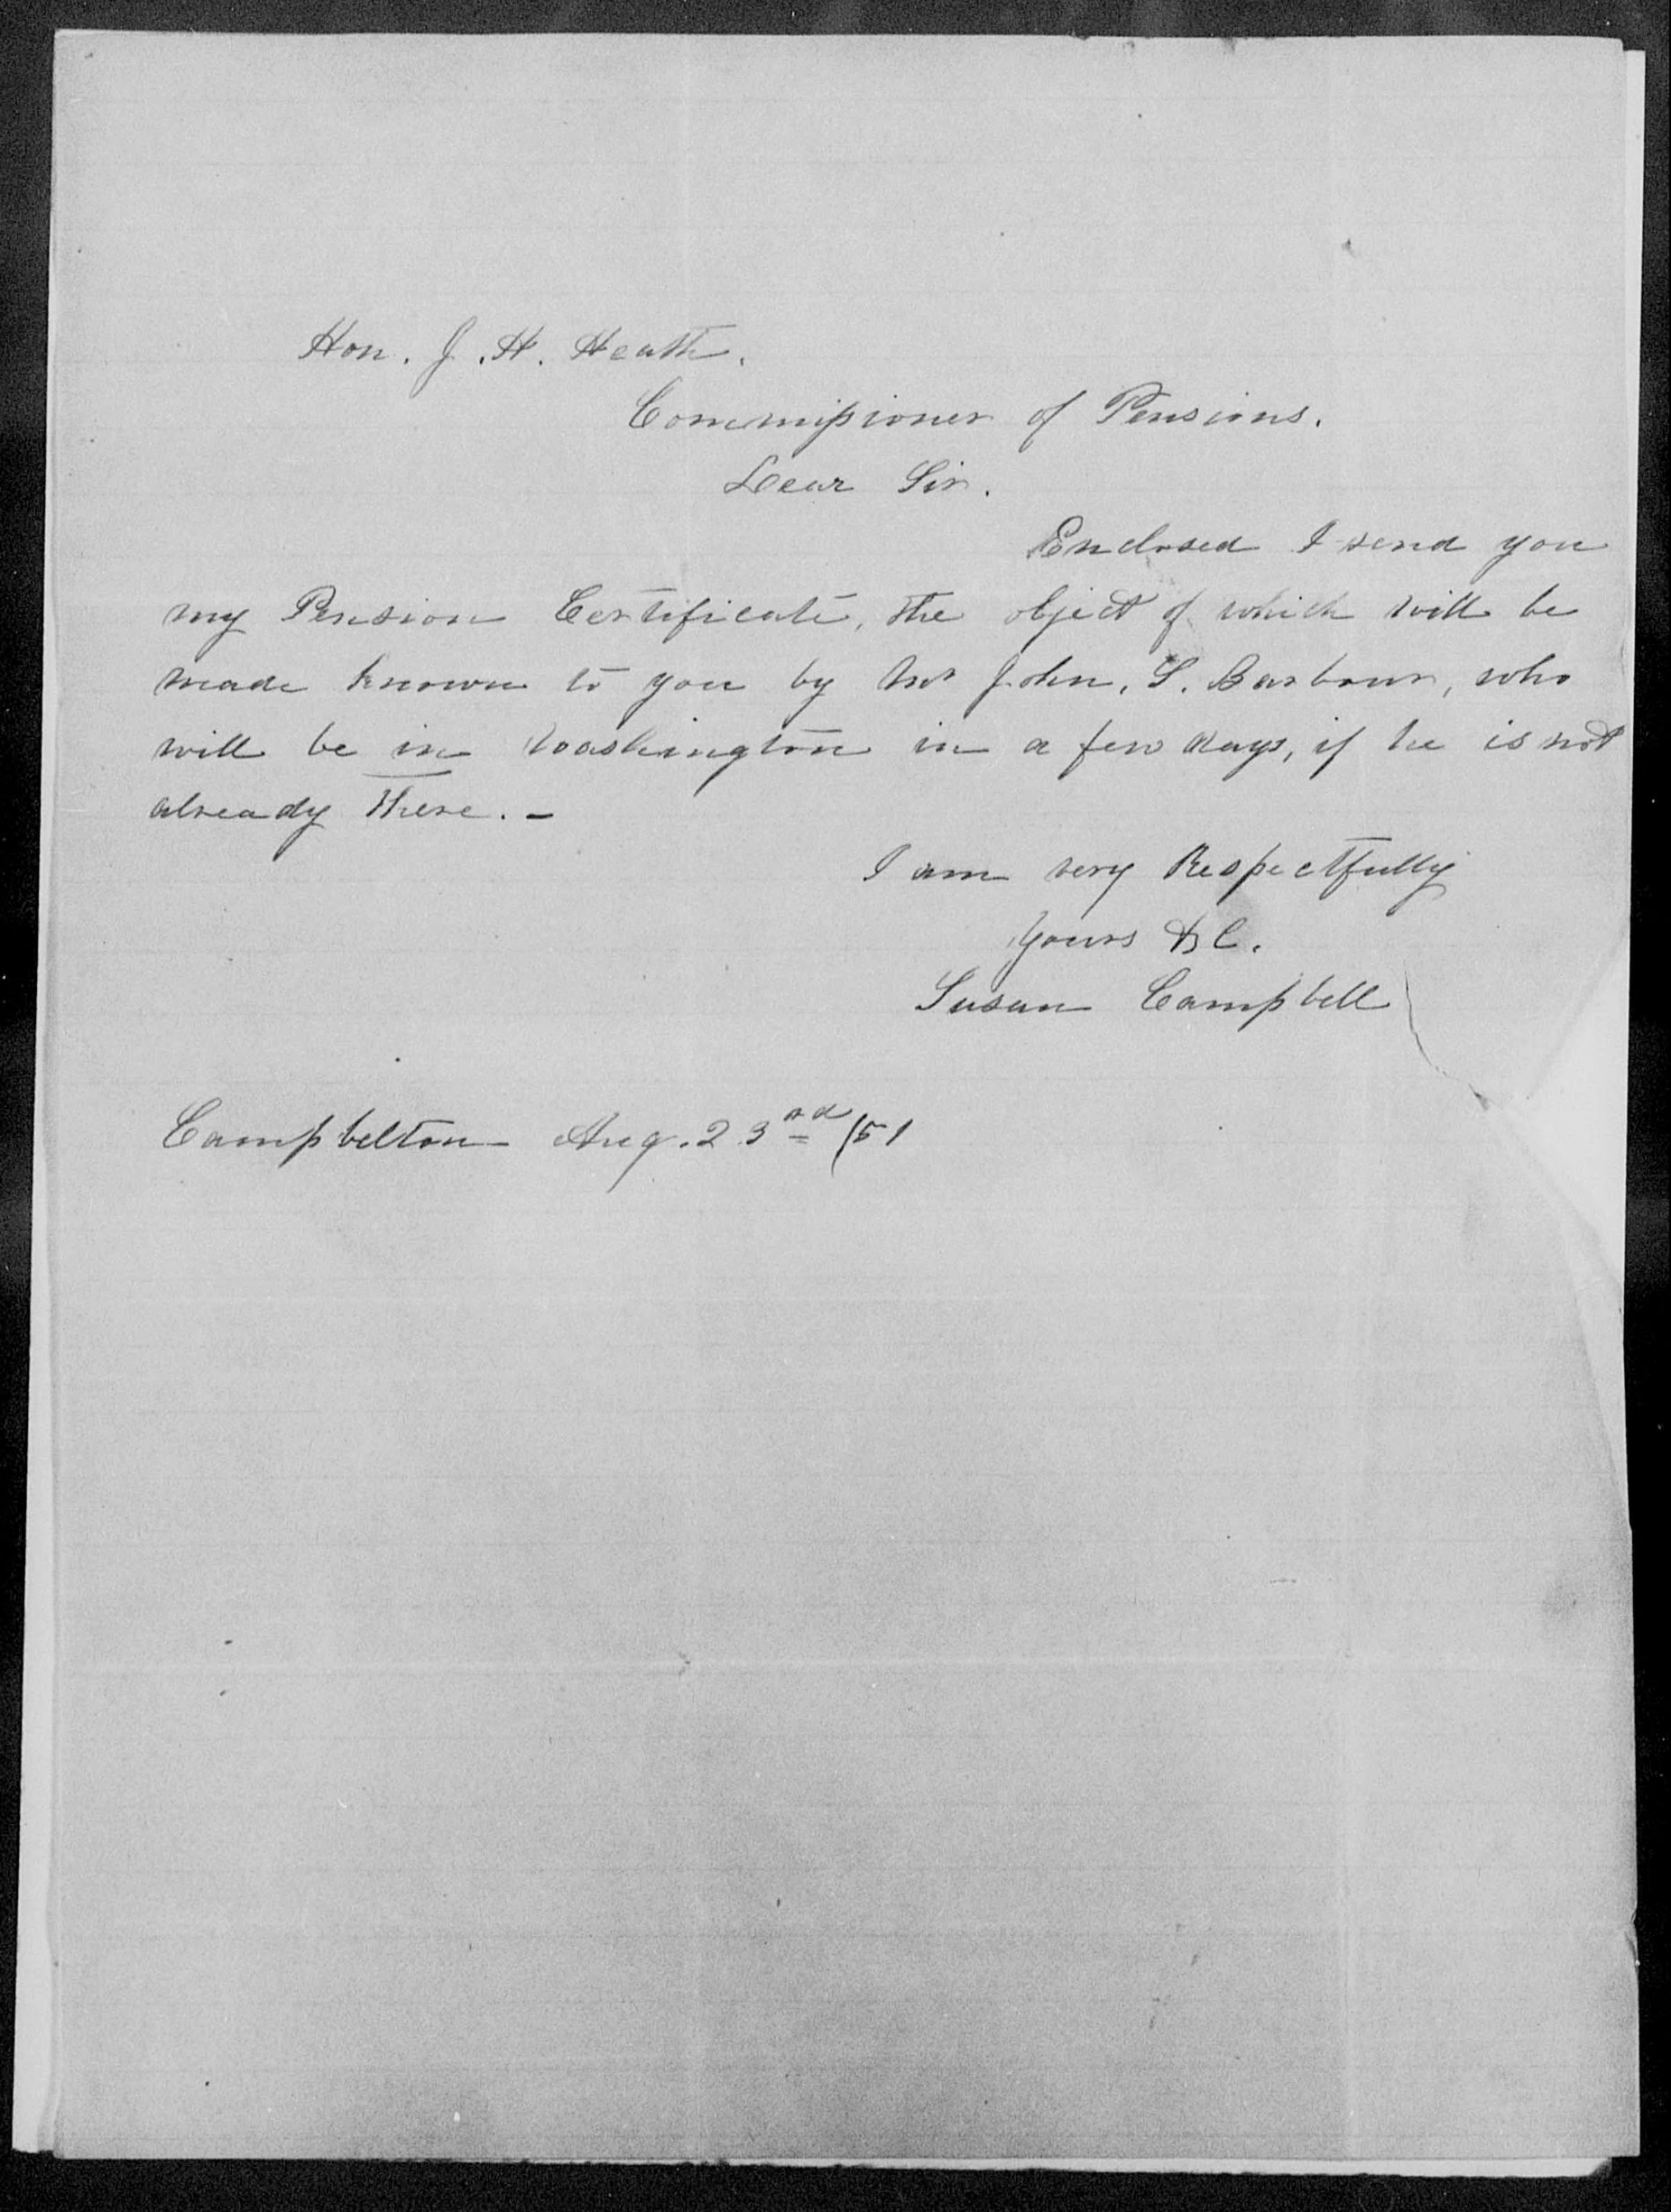Hon. J .H. Heath, 
Commissioner of Pensions

Dear Sir.
Enclosed I send you my Pension Certificate, the object of which will be made known to you by Mr John. S. Barbour, who will be in Washington in a few days, if he is not already there. __

I am very Respectfully Yous +c. [et cetera]
Susan Campbell

Campbell on  Aug. 23rd /51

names: Susan Campbell, J H Heath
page: 120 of 267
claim: widow's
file: W. 4,149, William Campbell, Va.